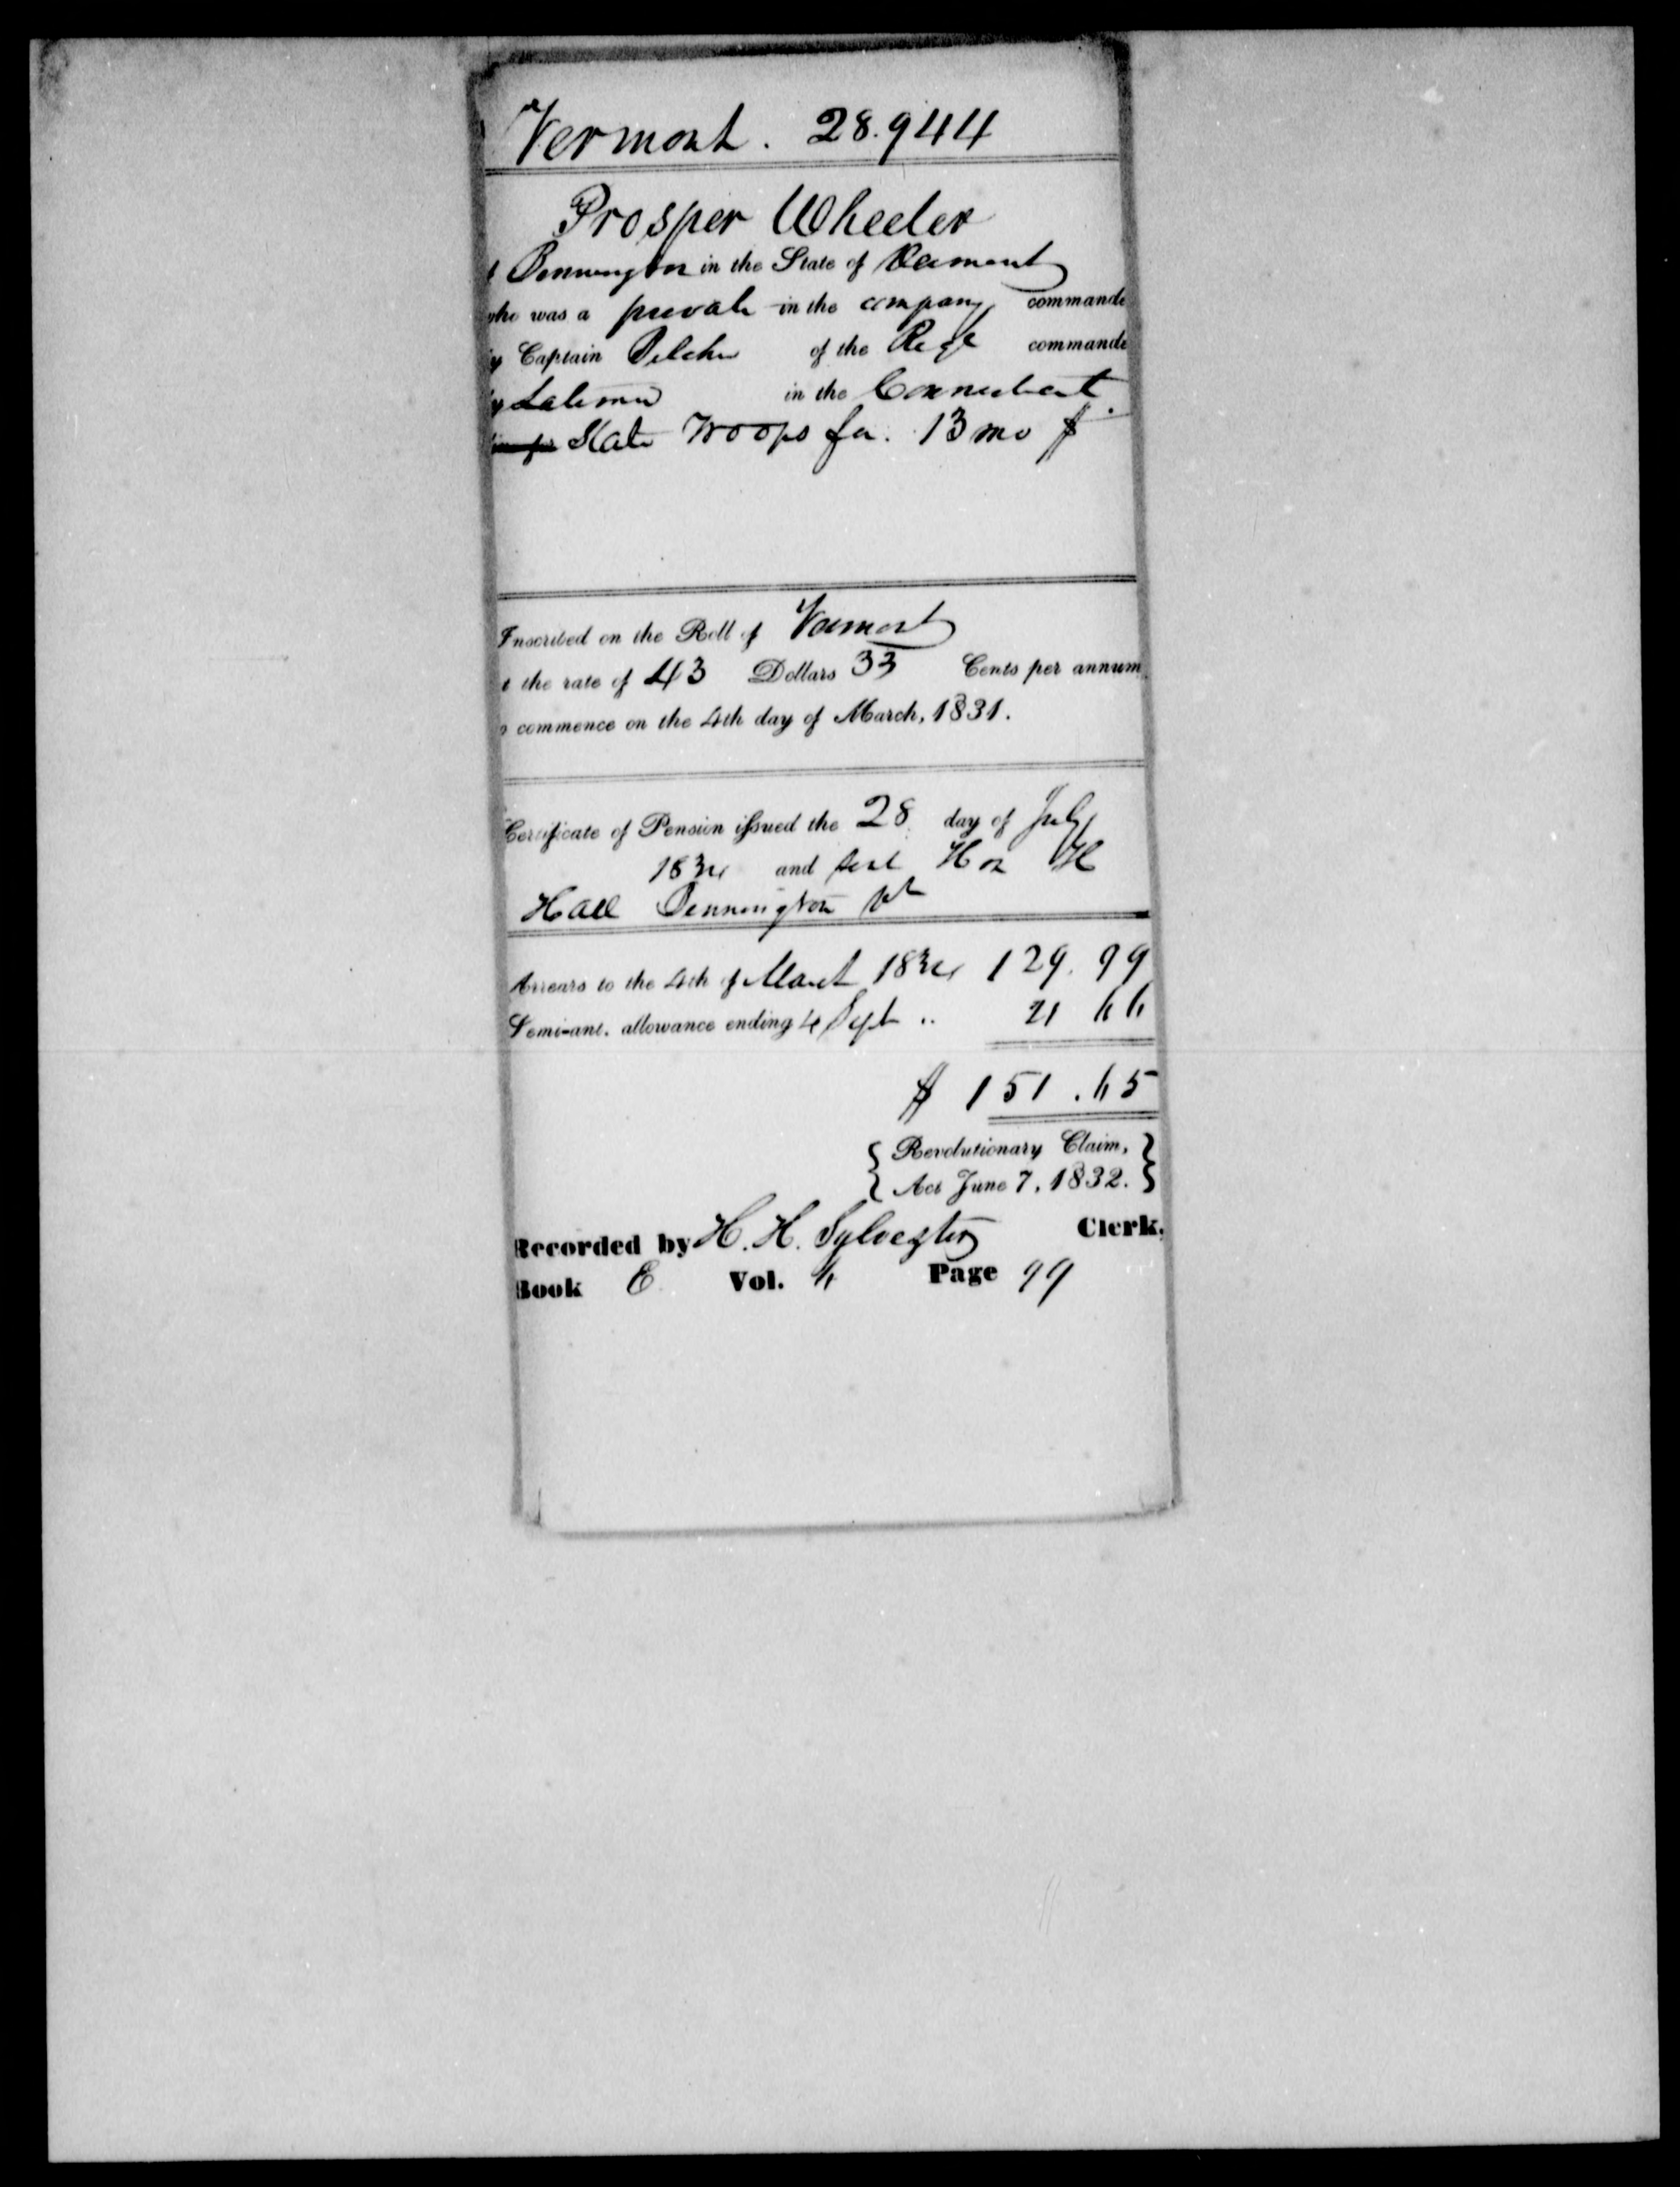Vermont 28.944
Prosper Wheeler
of Bennington in the State of Vermont
who was a private in the company commanded
by Captain Belcher of the Reg command
by Soloman in the Connecticut 
State Troops for 13 mo $
Inscribed on the Roll of Vermont
at the rate of 43 Dollars 33 Cents per annum
to commence on the 4th day of March, 1831.
Certificate of Pension issued the 28 day of July
1834 and sent Hon H Hall Bennington Vt.
Arrears to the 4th of March 1834 129.99
Semi-annl. allowance ending 4 Sept 1834 21 66
$151.65
{ Revolutionary Claim, Act June 7,1832 }
Recorded by H. H. Sylvester Clerk
Book E Vol. 4 Page 99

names: H H Sylvester, Belcher, H Hall, Prosper Wheeler, Latimer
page: 2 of 29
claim: widow's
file: W. 22604, Prosper Wheeler, Conn.